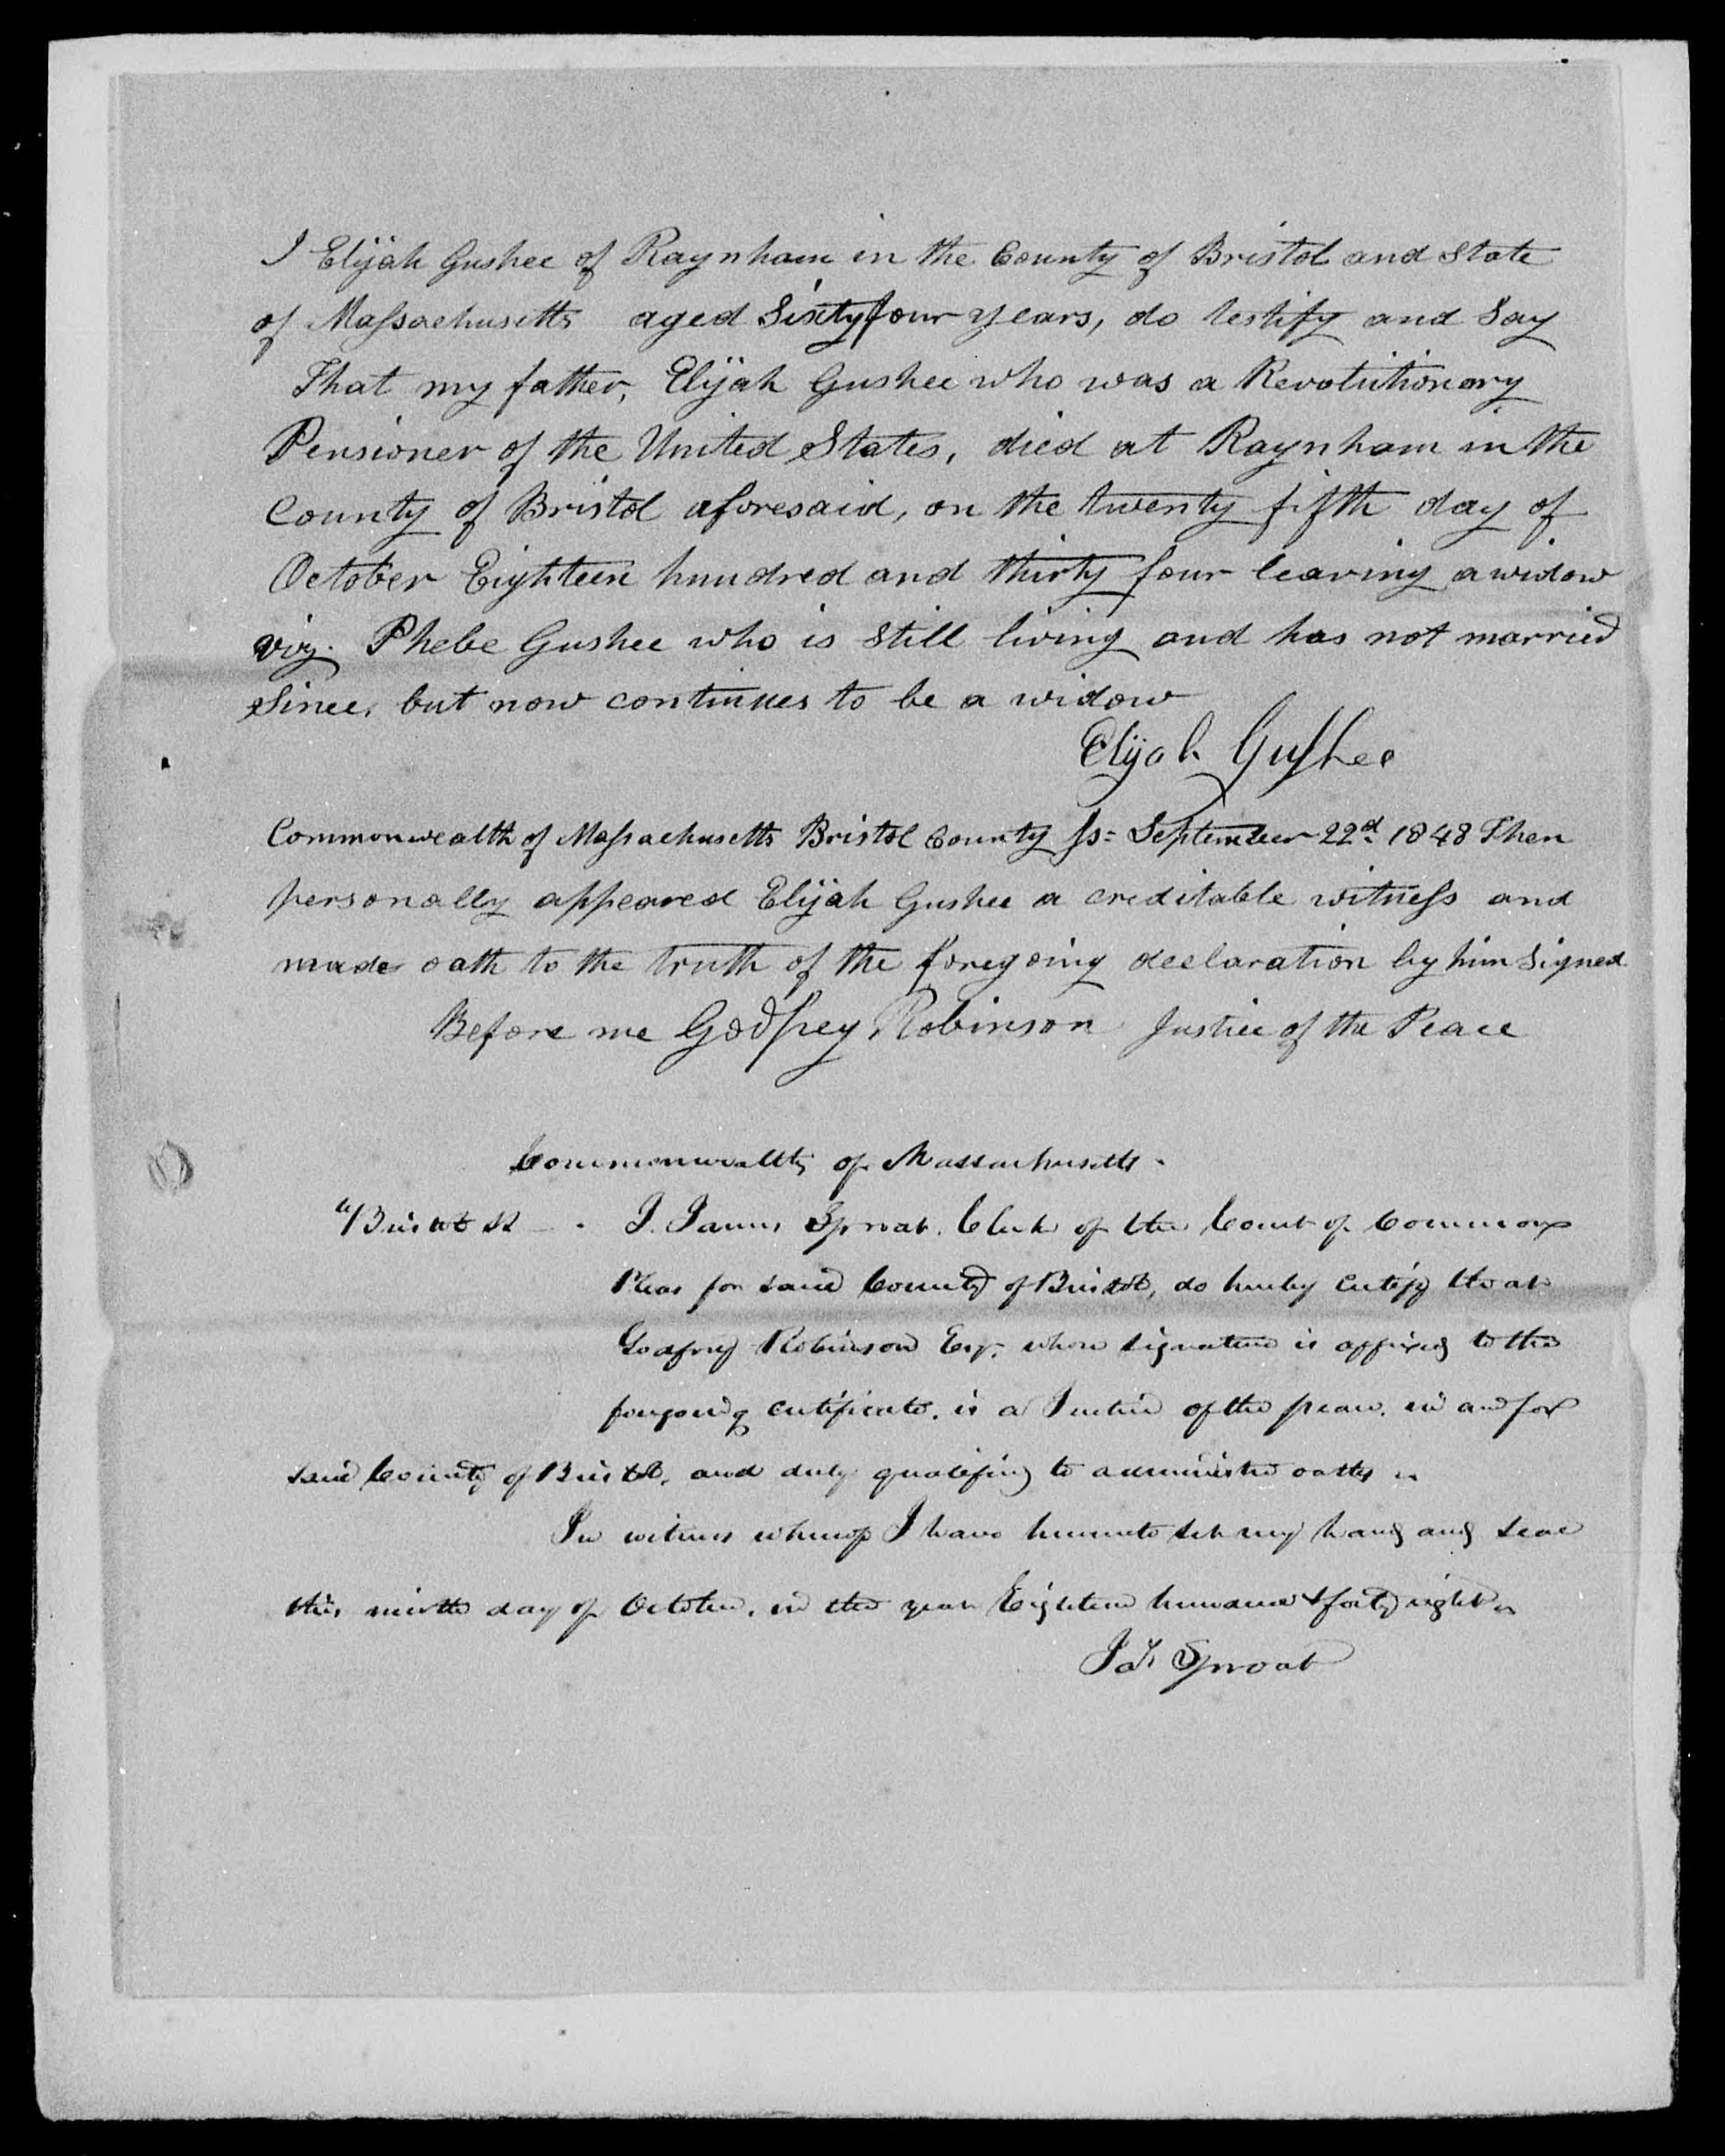I Elijah Gushee of Raynham in the County of Bristol and State of Massachusetts aged sixty four years, do testify and say That my father, Elijah Gushee who was a Revolutionary
Pensioner of the United States, died at Raynham in the County of Bristol aforesaid, on the twenty fifth day of October Eighteen hundred and thirty four leaving a widow viz. Phebe Gushee who is still living and has not married since but now continues to be a widow
Signature of Elijah Gusher

Commonwealth of Massachusetts Bristol County ss: September 22d 1848
Then personally appeared Elijah Gushee a creditable witness and made oath to the truth of the foregoing declaration by him Signed
Before me 
Godfrey Robinson Justice of the Peace

Commonwealth of Massachusetts
Bristol ss.
I James Sproat Clerk of the Court of Common
Pleas for said County of Bristol, do hereby certify that Godfrey Robinson Esq. whose signature is affixed to the foregoing certificate, is a Justice of the peace in and for said County of Bristol, and duly qualified to administer oaths

In witness whereof I have hereunto set my hand and seal this ninth day of October in the year Eighteen hundred & forty eight
Signature of Jas. Sproat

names: Godfrey Robinson, Godfrey Robinson, Phebe Gushee, Jas Sproat, James Sproat, Elijah Gushee, Elijah Gushee, Elijah Gushee, Elijah Gushee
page: 17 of 36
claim: widow's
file: W. 8838, Elijah Gushee, Mass.